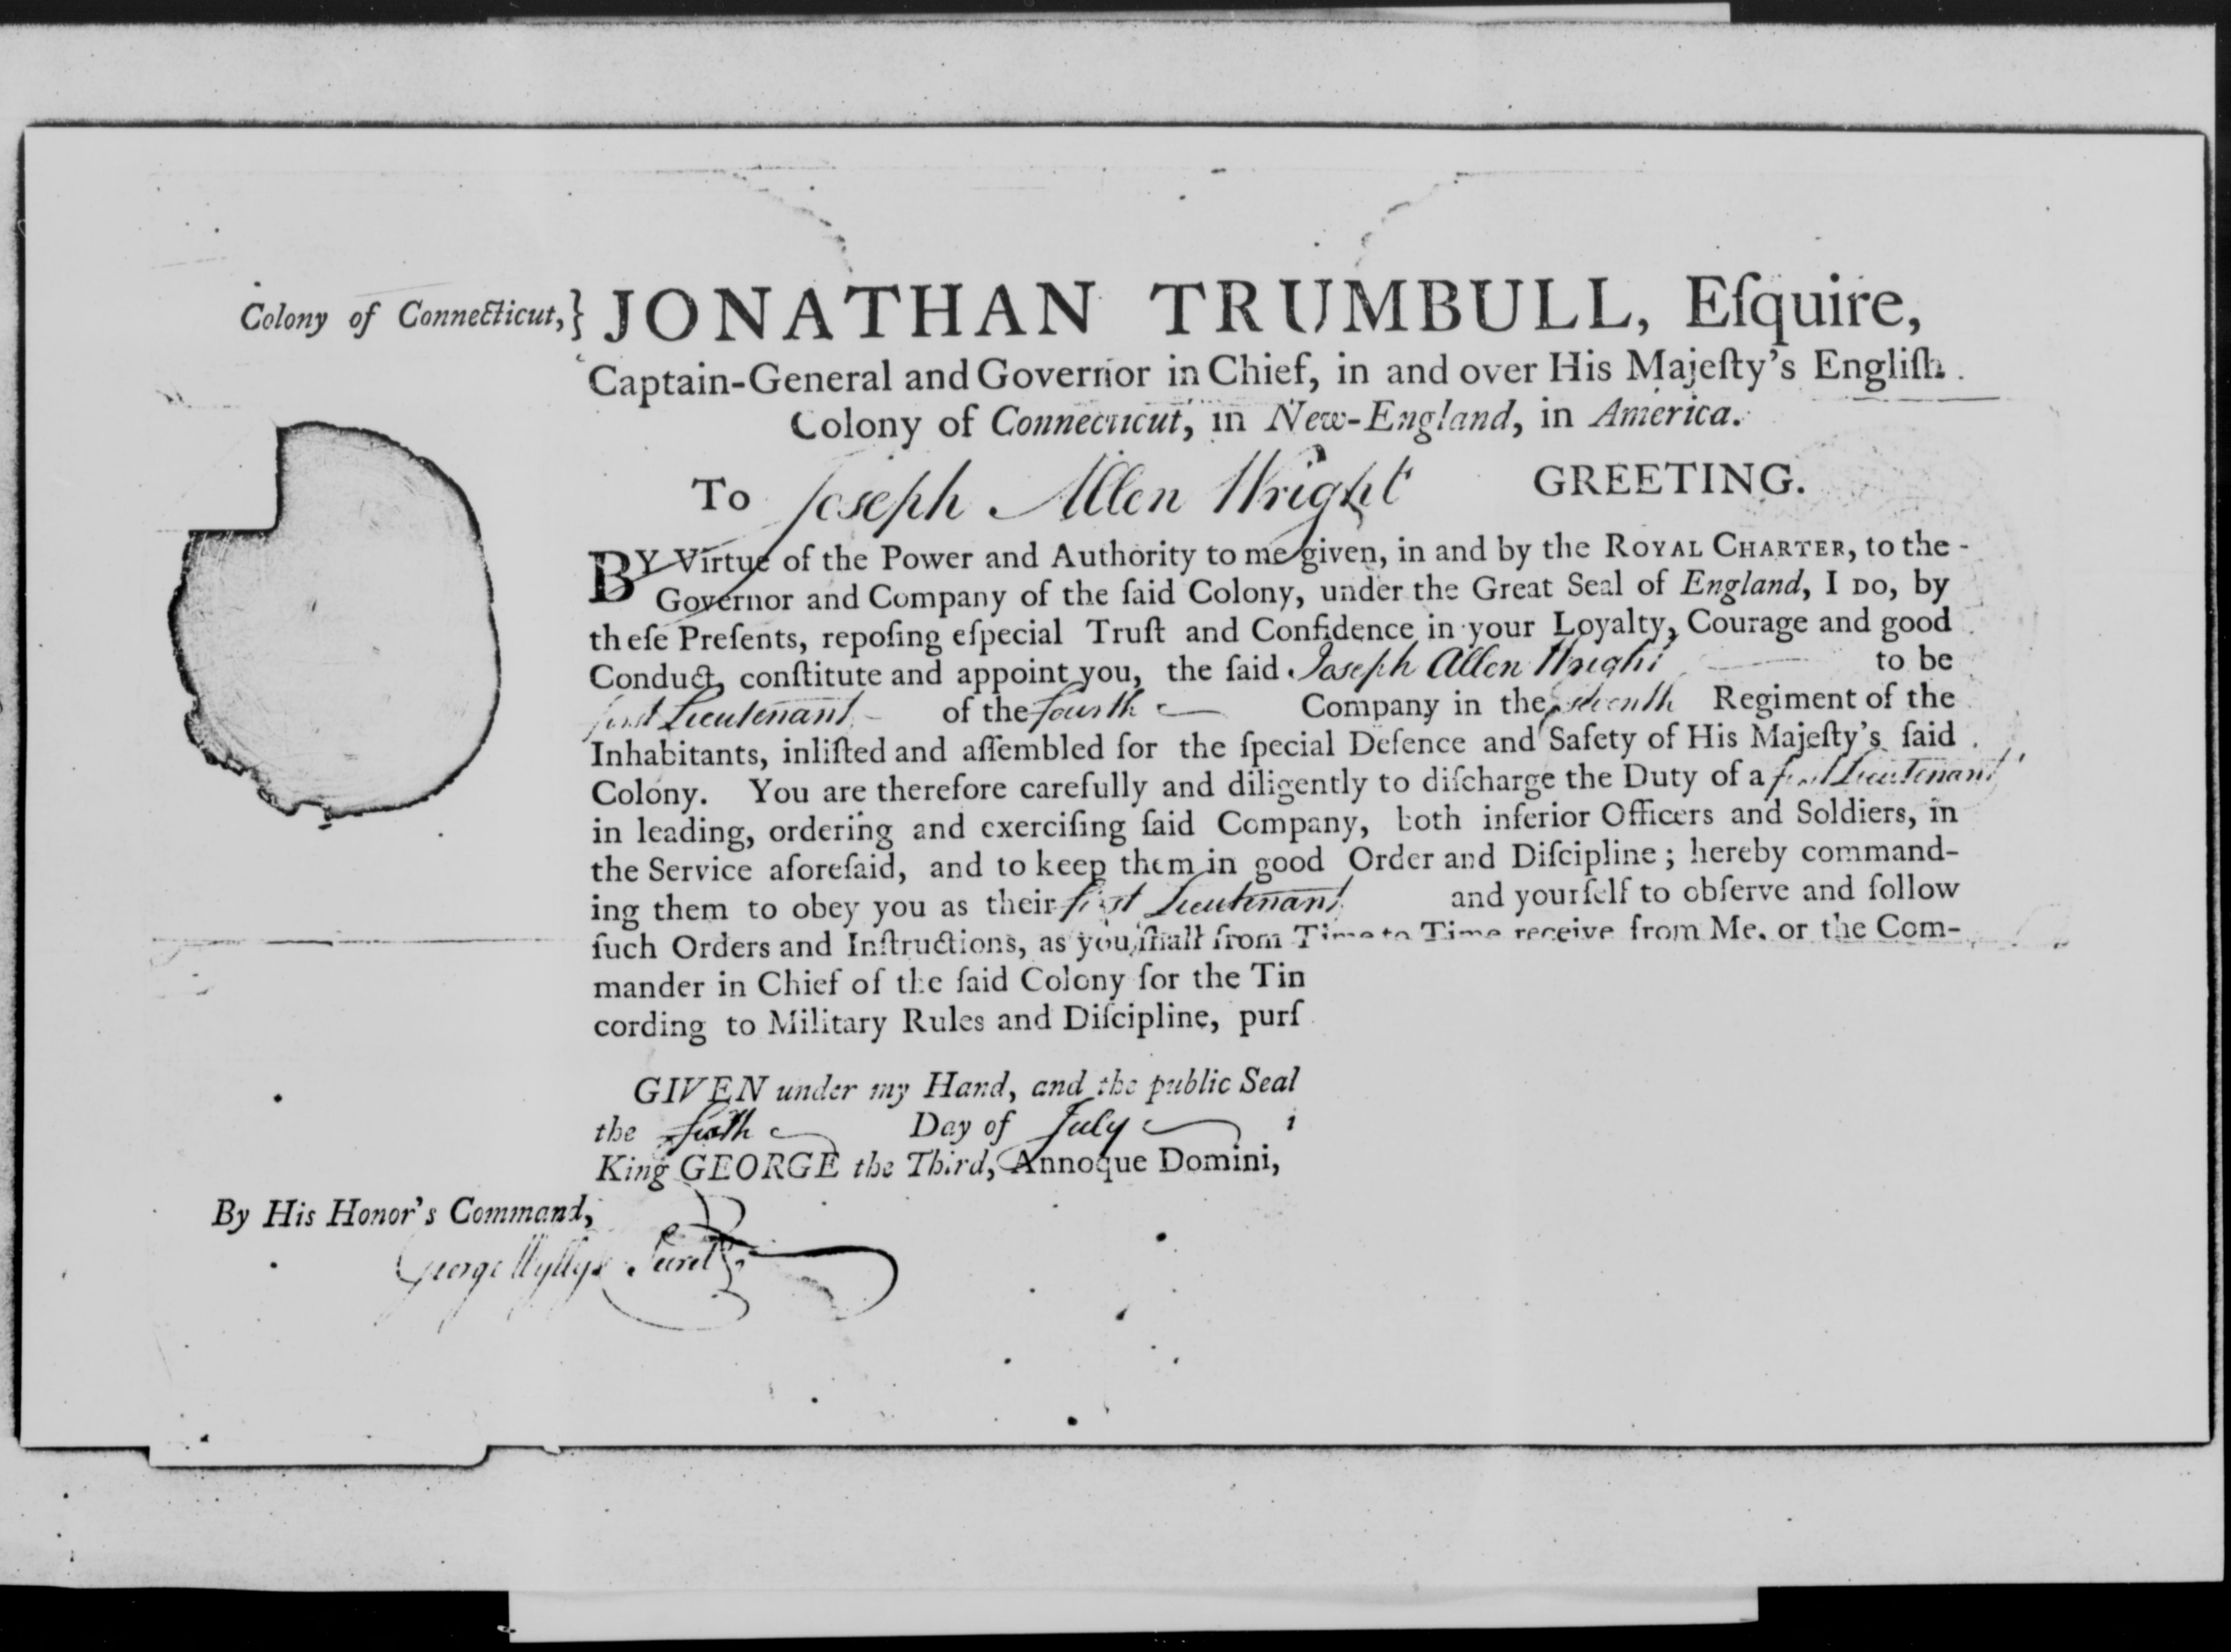Colony of Connecticut, } JONATHAN TRUMBULL, Esquire,
Captain-General and Governor in Chief, in and over His Majesty's English.
Colony of Connecticut, in New-England, in America.
To Joseph Allen Wright GREETING.
By Virtue of the Power and Authority to me given, in and by the Royal Charter, to the
Governor and Company of said Colony, under the Great Seal of England, I DO, by
these Presents, reposing especial Trust and Confidence in your Loyalty, Courage, and good
Conduct, constitute and appoint you, the said Joseph Allen Wright to be 
First Lieutenant of the Fourth Company in the Eleventh Regiment of the
Inhabitants, inlisted and assembled for the special Defence and Safety of His Majesty's said
Colony. You are therefore carefully and diligently to discharge the Duty of a first Lieutenant
in leading, ordering, and exercising said Company, both inferior Officers and Soldiers, in
the Service aforesaid, and to keep them in good Order and Discipline; hereby command-
ing them to obey you as their First Lieutenant and yourself to observe and follow
such Orders and Instructions, as you shall from Time to Time receive from Me, or the Com-
mander in Chief of the said Colony for the Tin...[missing]
cording to Military Rules and Discipline, purs [missing]
GIVEN under my Hand, and the public Seal [missing]
the Sixth Day of July i [missing]
King GEORGE the Third, Annoque Domini, [missing]
By His Honor's Command,
George [illegible] [illegible]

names: George Wyllys, Jonathan Trumbull, George King, Joseph Allen Wright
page: 10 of 13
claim: survivor's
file: S. 36855, Joseph Allyn Wright, Conn. Continental